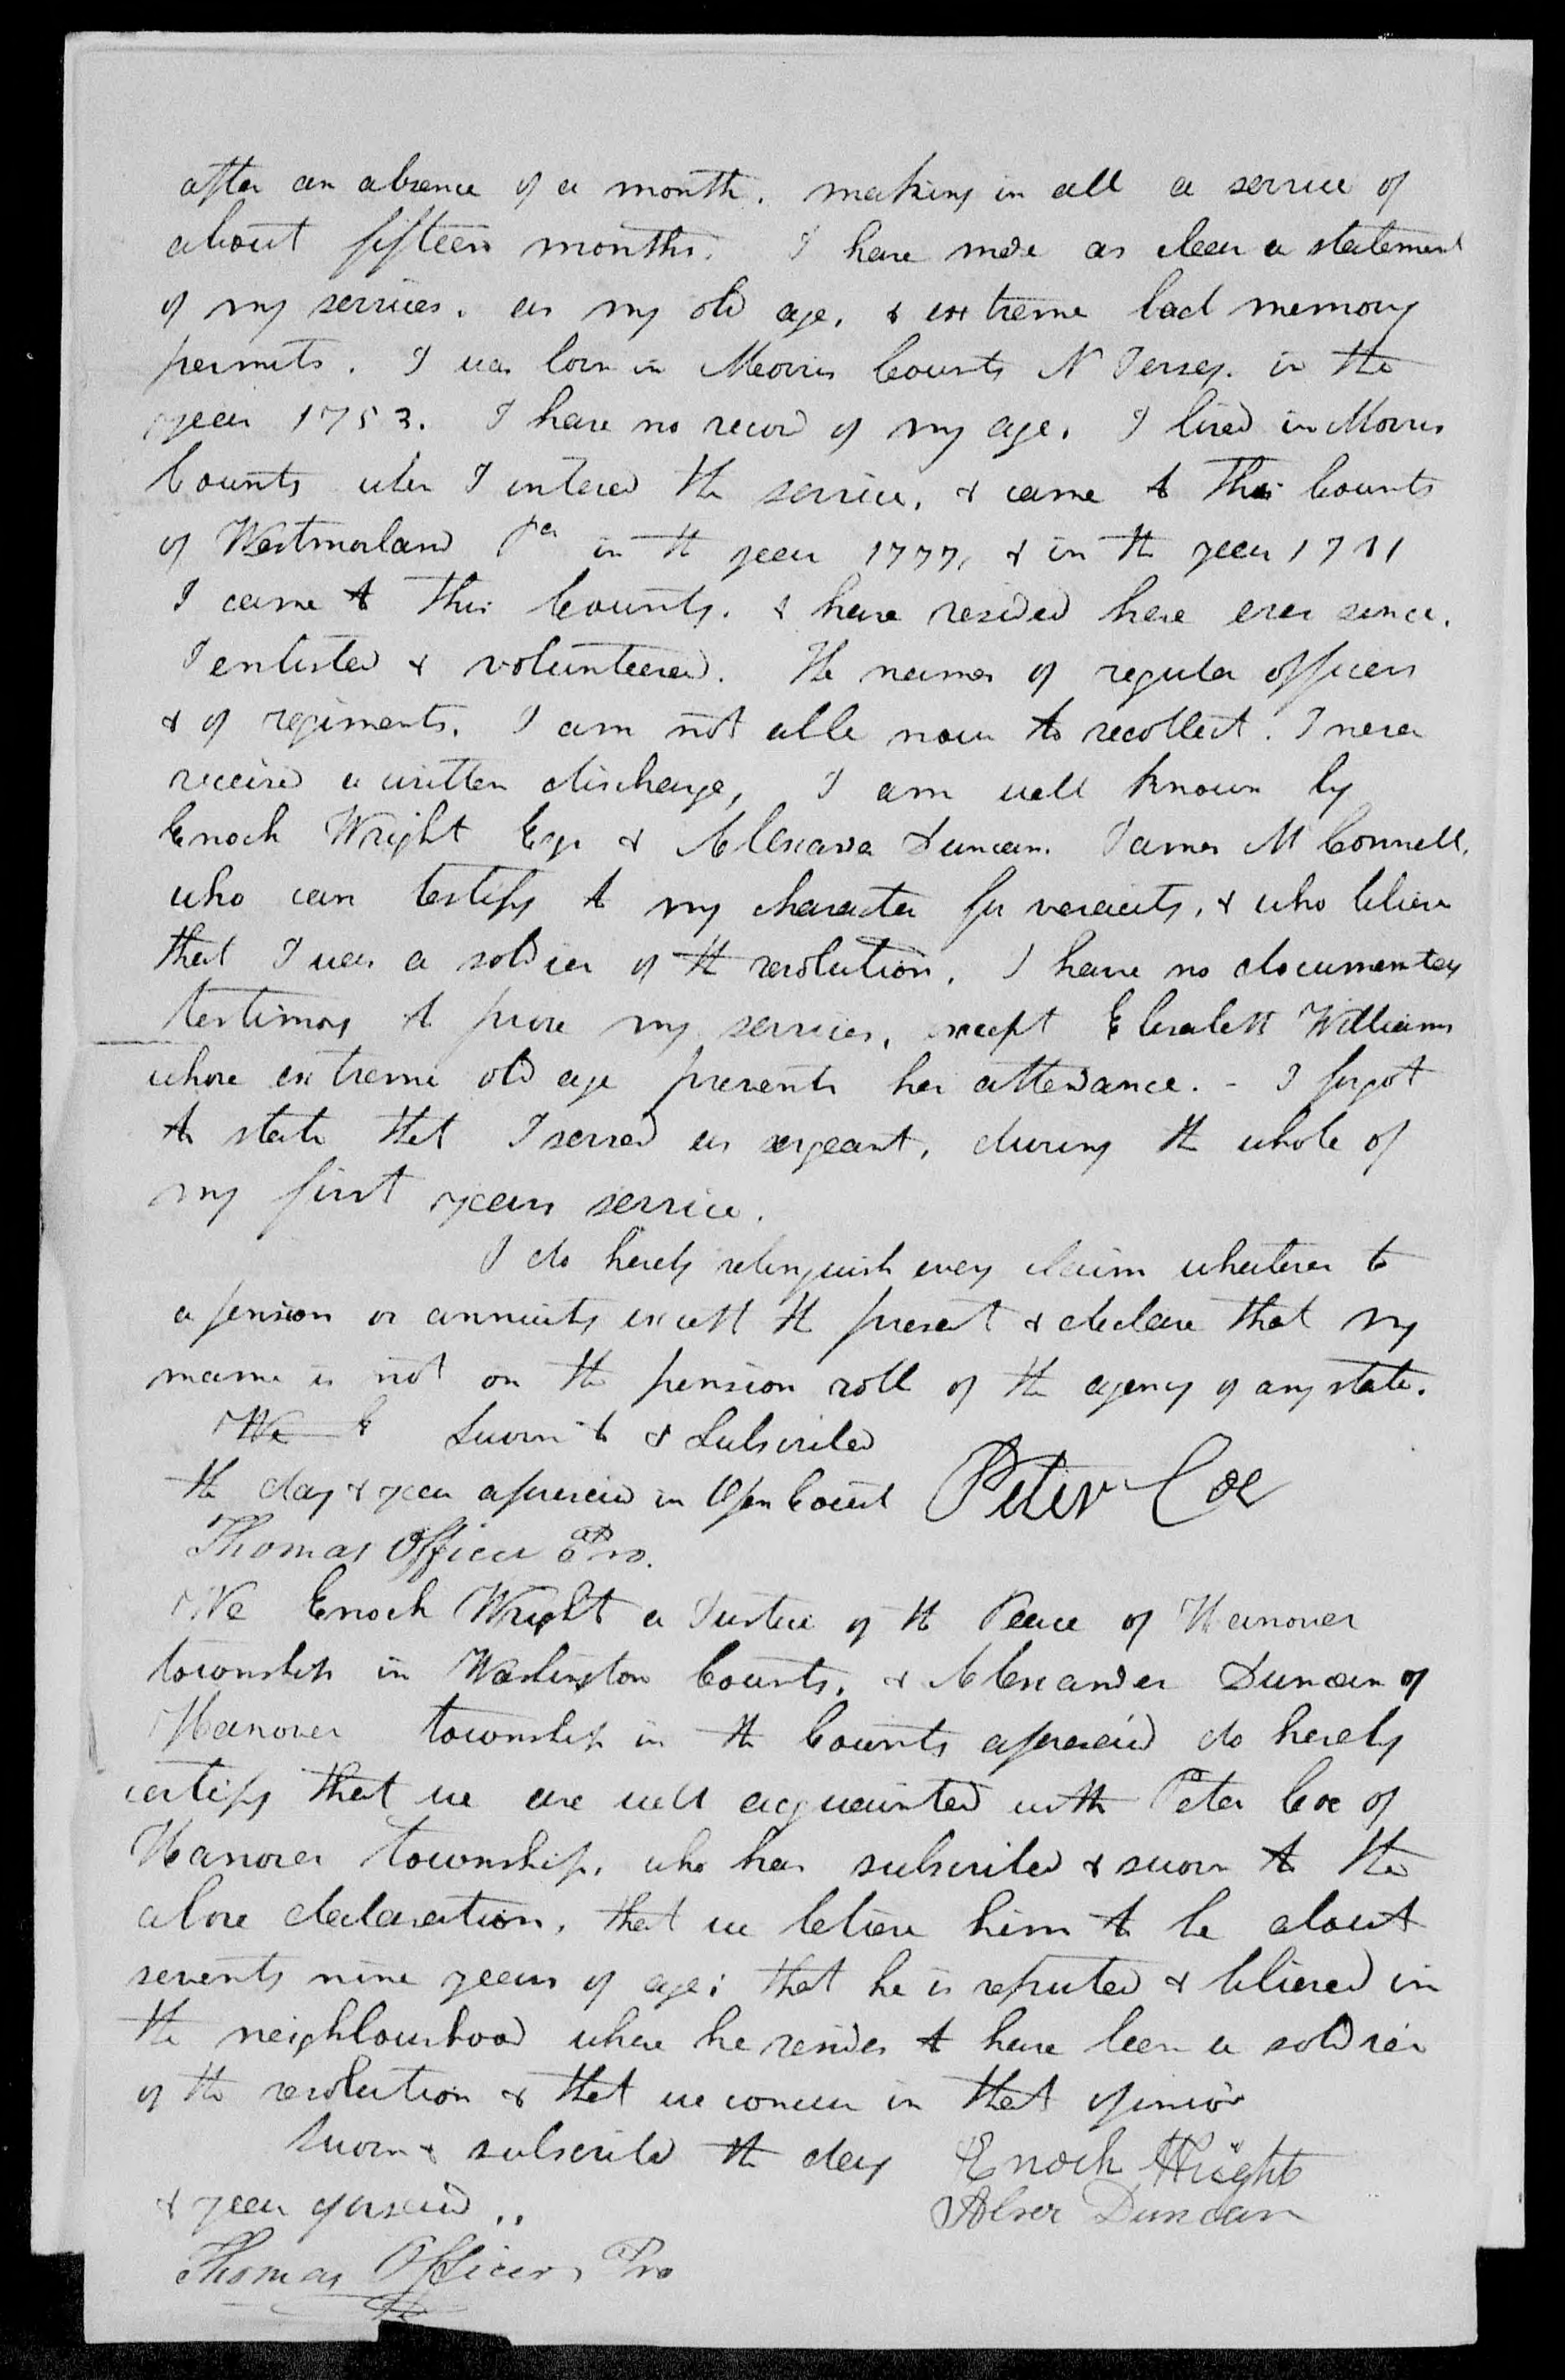after an absence of a month, making in all a service of about fifteen months, I here made as cleer a statement of my services. as my old age, & extreme lack memory permits, I was born in Morris County N Jersey, in the year 1753. I have no record of my age. I lived in Morris County when I entered the service, & came to the Courts of Westmoreland Pa in the year 1777, & in the year 1781 I came to this County, & here resided here ever since, I enlisted & volunteered. The names of regular officers & of regiments, I am not able now to recollect. I never received a written discharge, I am well known by Enoch Wright Esqr & Alexander Duncan, James McConnell, who can certify to my character for veracity, & who believes that I was a soldier of the revolution, I have no documentery testimony to prove my services, except Elizabeth Williams where extreme old age presents her attendance. I forgot to state that I served as sergeant, during the whole of my first years service.
I do hereby relinquish every claim whatever to a pension or annuity in all the present & declare that my name is not on the pension roll of the agency of any state.  
Peter Coe
Sworn to & Subscribed this day & year aforesaid in Open Court 
Thomas Officer [illegible]
We Enoch Wright a Justice of the Peace of Hanover township in Washington Courts, & Alexander Duncan of Hanover township in the Courts aforesaid & hereby certify that we are well acquainted with Peter Coe of Hanover township, who has subscribed & sworn to the above declaration, that we believe him to be about seventy nine years of age: that he is reputed & believed in the neighbourhood where he resides. To here been a soldier of the revolution & that we concur in that opinion.
Enoch Wright
Alxer Duncan
Sworn & subscribed the day & year aforesaid
Thomas Officer Pro.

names: Thomas Officer, Thomas Officer, Enoch Wright, Elizabeth Williams, Peter Coe, Alexr Duncan, Enoch Wright, Peter Coe, James M Connell, Alexander Duncan, Alexander Duncan, Enoch Wright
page: 5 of 23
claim: survivor's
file: S. 3167, Peter Coe, New Jersey Penn.